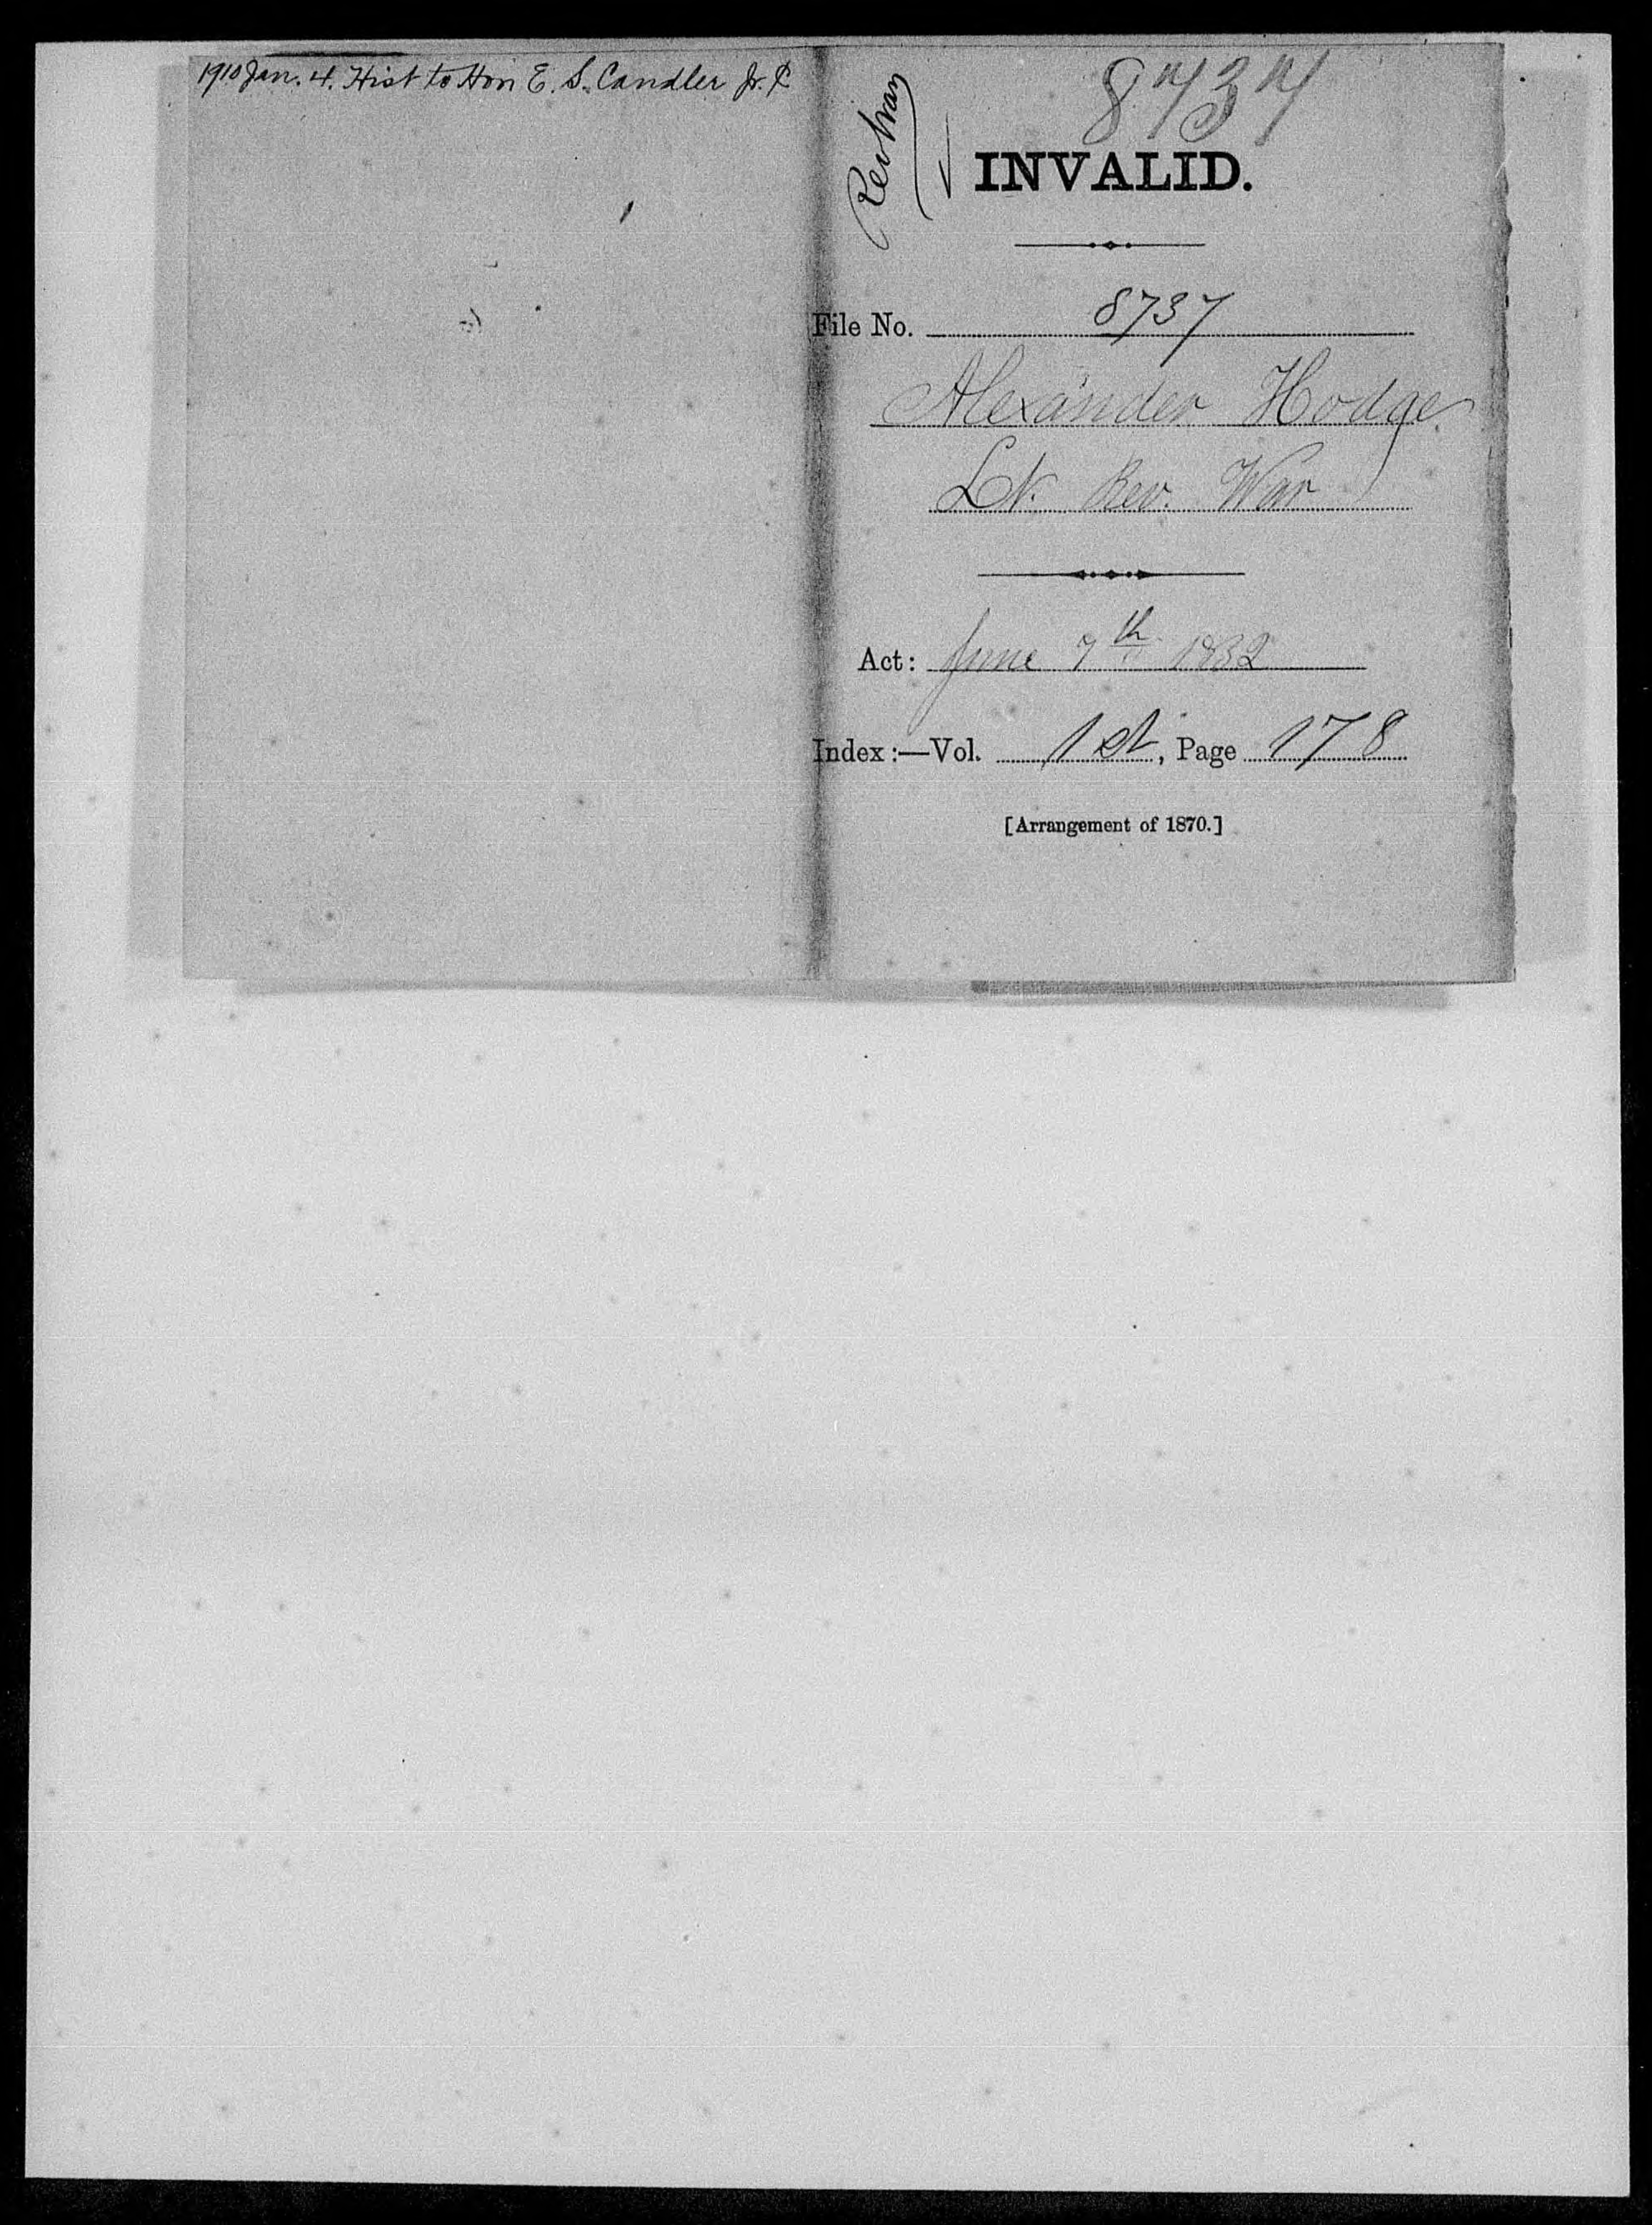1910 Jan. 4. Hist to Hon E. S. Candler Jr. C

Revwar
8737

INVALID.

File No. 8737
Alexander Hodge.
Lt. Rev. War

Act: June 7th 1832
Index: - Vol. 1st, Page 178

[Arrangement of 1870.]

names: E S Candler, Alexander Hodge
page: 8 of 14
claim: survivor's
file: S. 8737, Alexander Hodge, N.C.